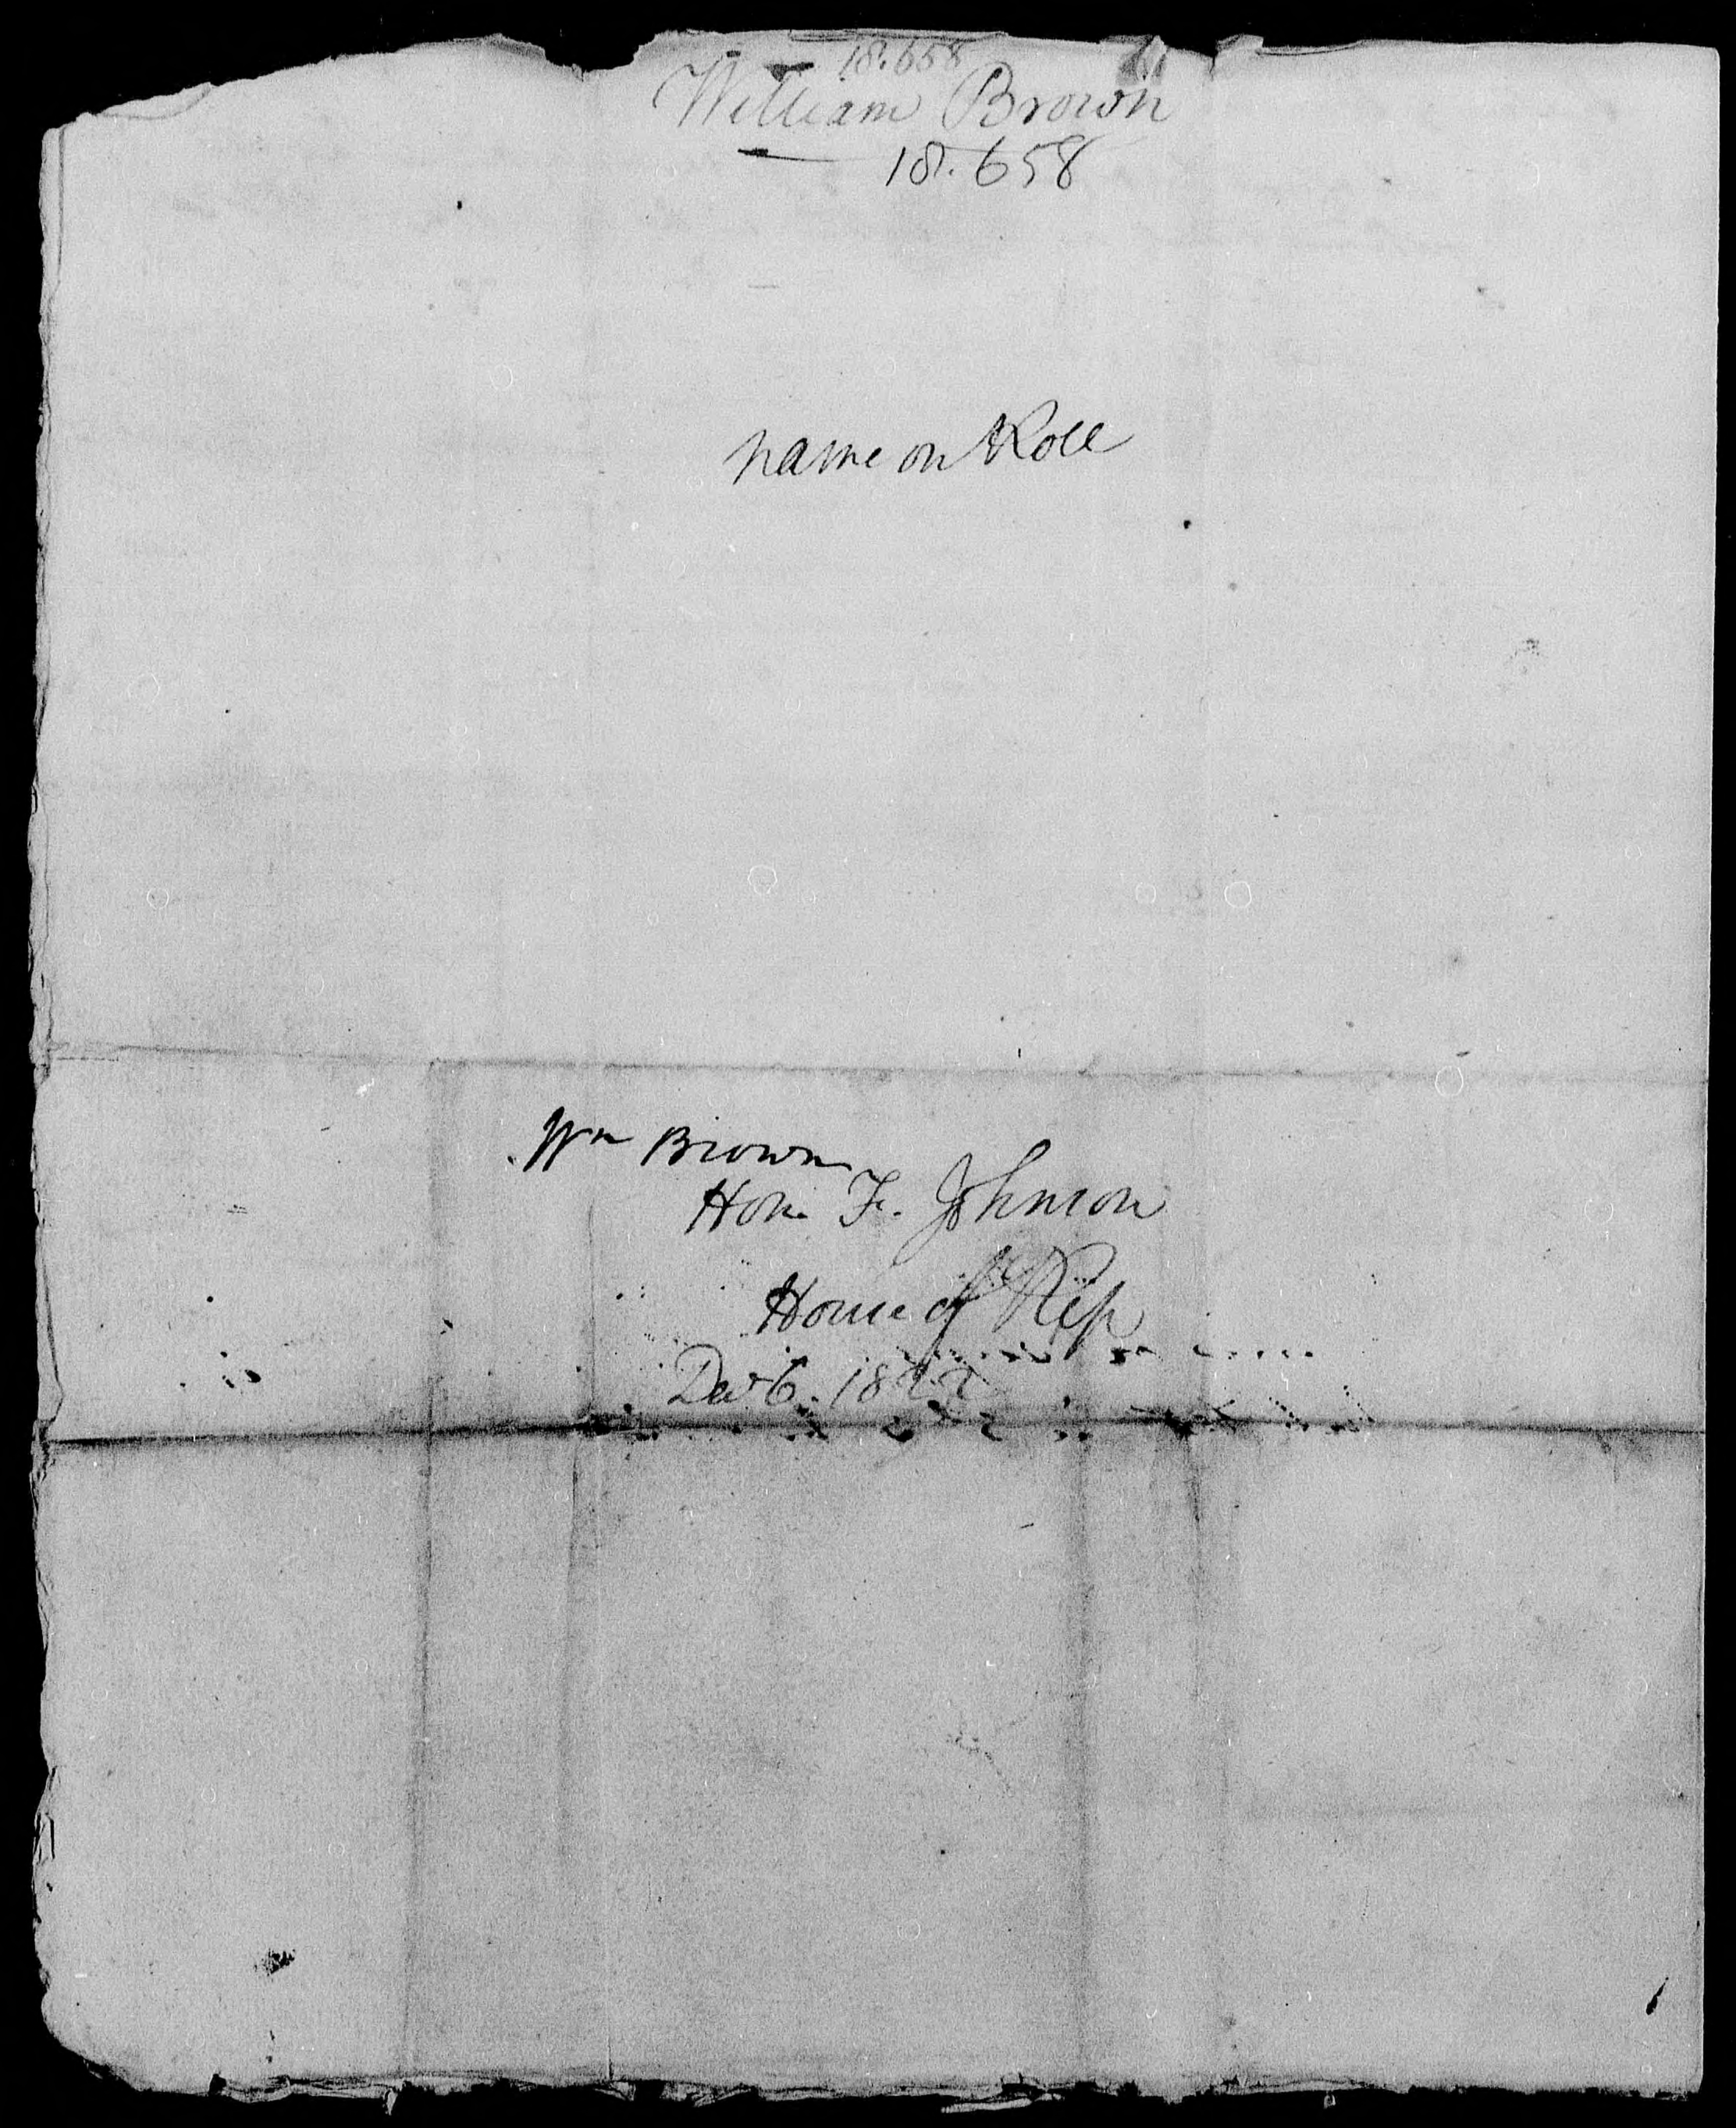18.658
William Brown
18.658

Name on roll

Wm Brown
Hon. F. Johnson
Dec 6, 1899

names: William Brown, Wm Brown, F Johnson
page: 3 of 21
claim: survivor's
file: S. 35,788, William Brown, Va.